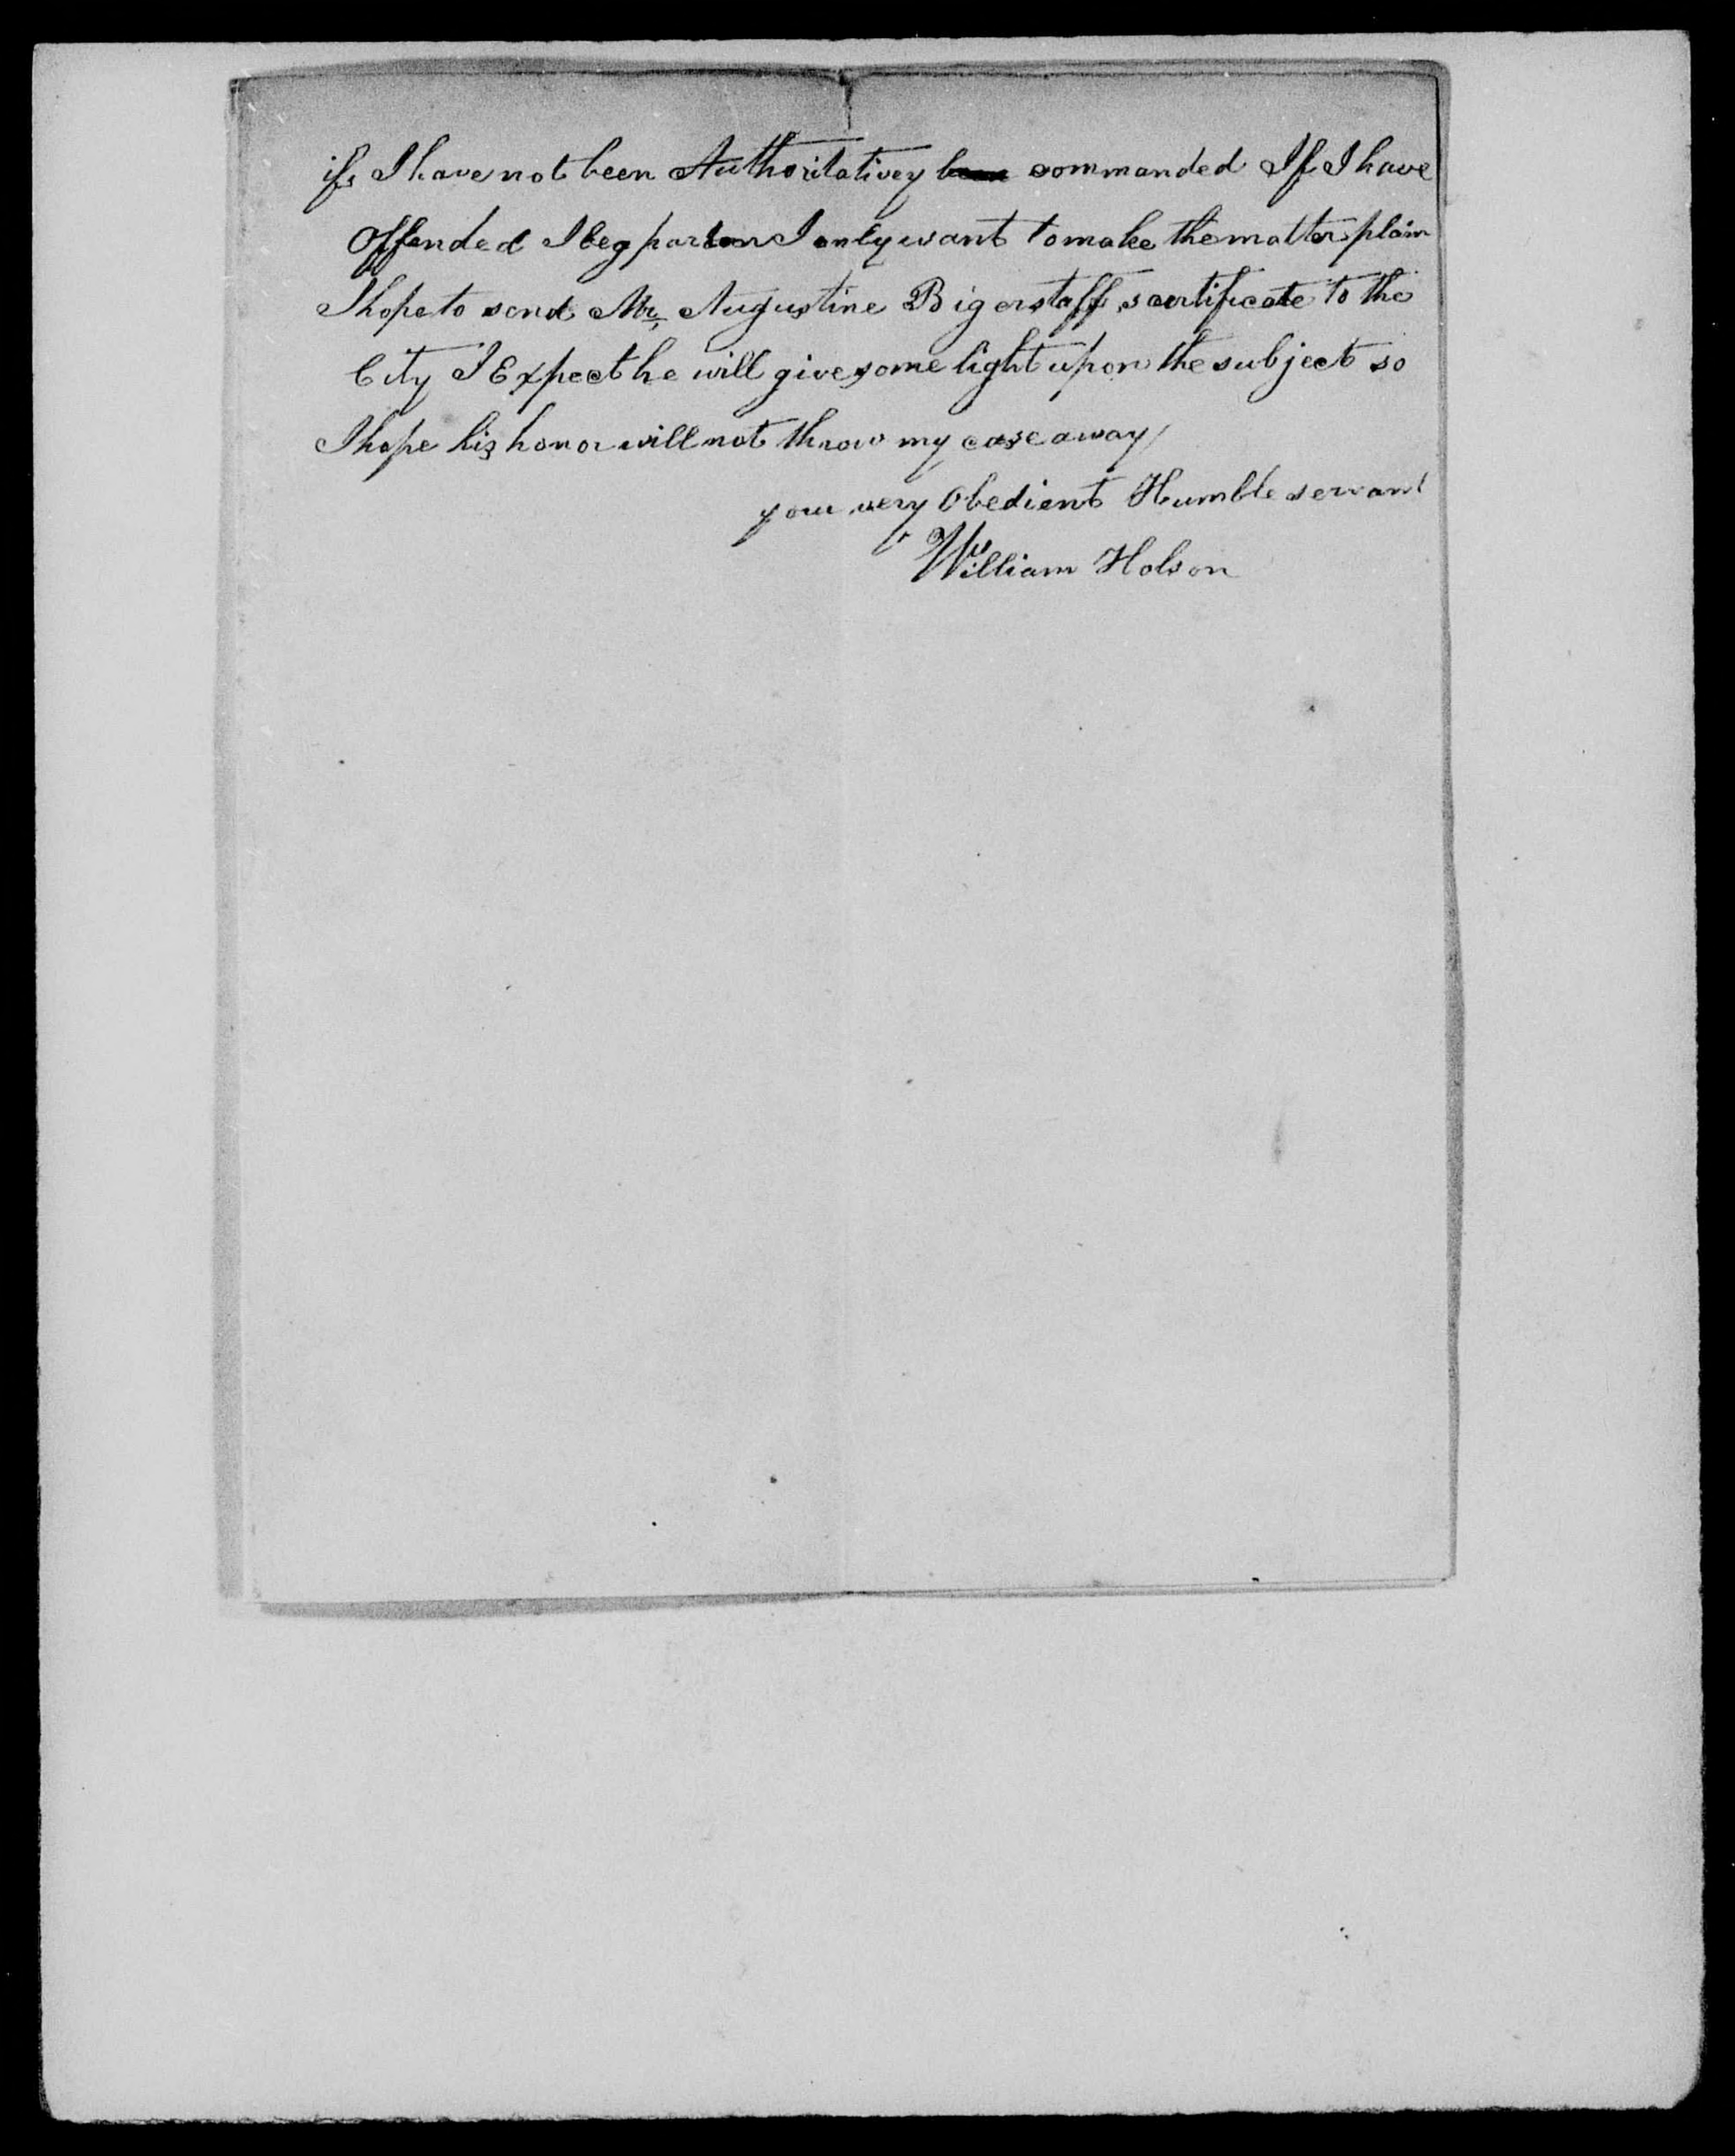if I have not been authoritatively been commanded If I have offended I beg pardon I only want to make the matter plain
I ope to send Mr. Augustine Bigerstaff's certificate to the city I expect he will give some light upon the subject so I hope his honor will not throw my case away

your very obedient humble servant

William Holson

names: Augustine Bigerstaff, William Holson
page: 13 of 33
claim: survivor's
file: S. 9587, William Holson, Va.